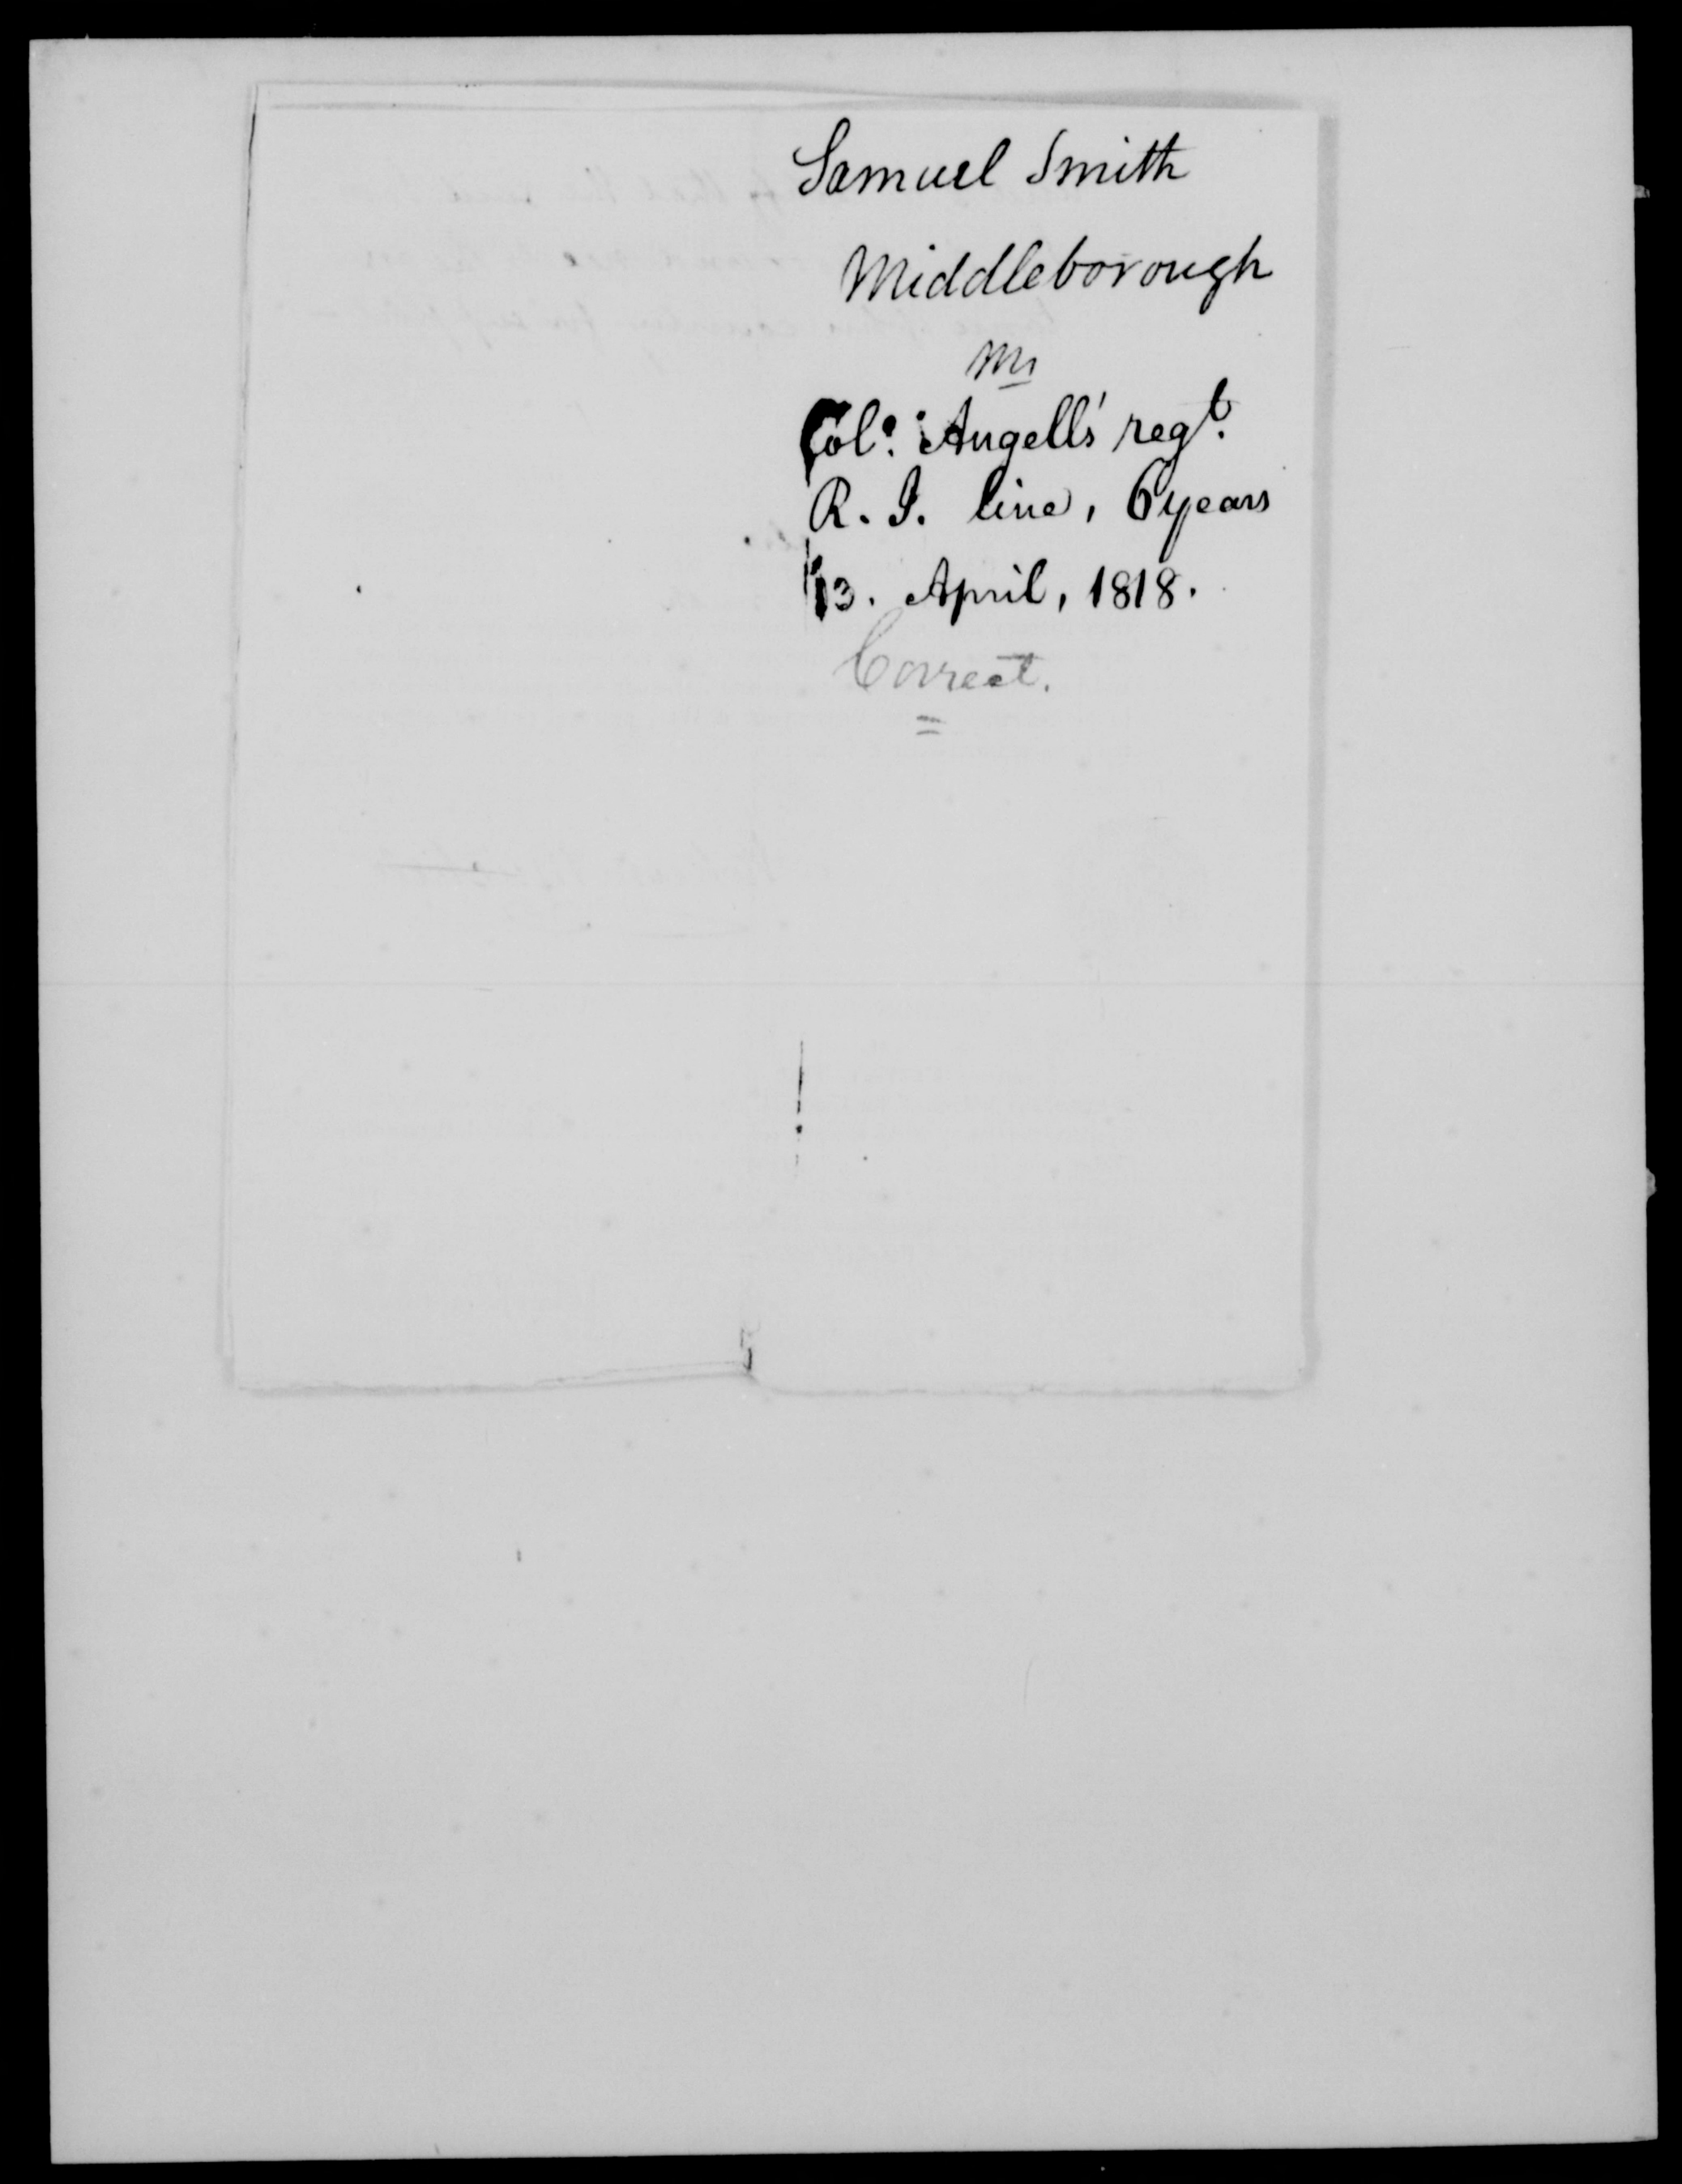Samuel Smith
Middleborough
Ms
Col. Angell's regt.
R> I> line, 6 years
13. April, 1818.
Correct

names: Samuel Smith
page: 5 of 14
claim: survivor's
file: S. 34,487, for Samuel Smith, Rhode Island